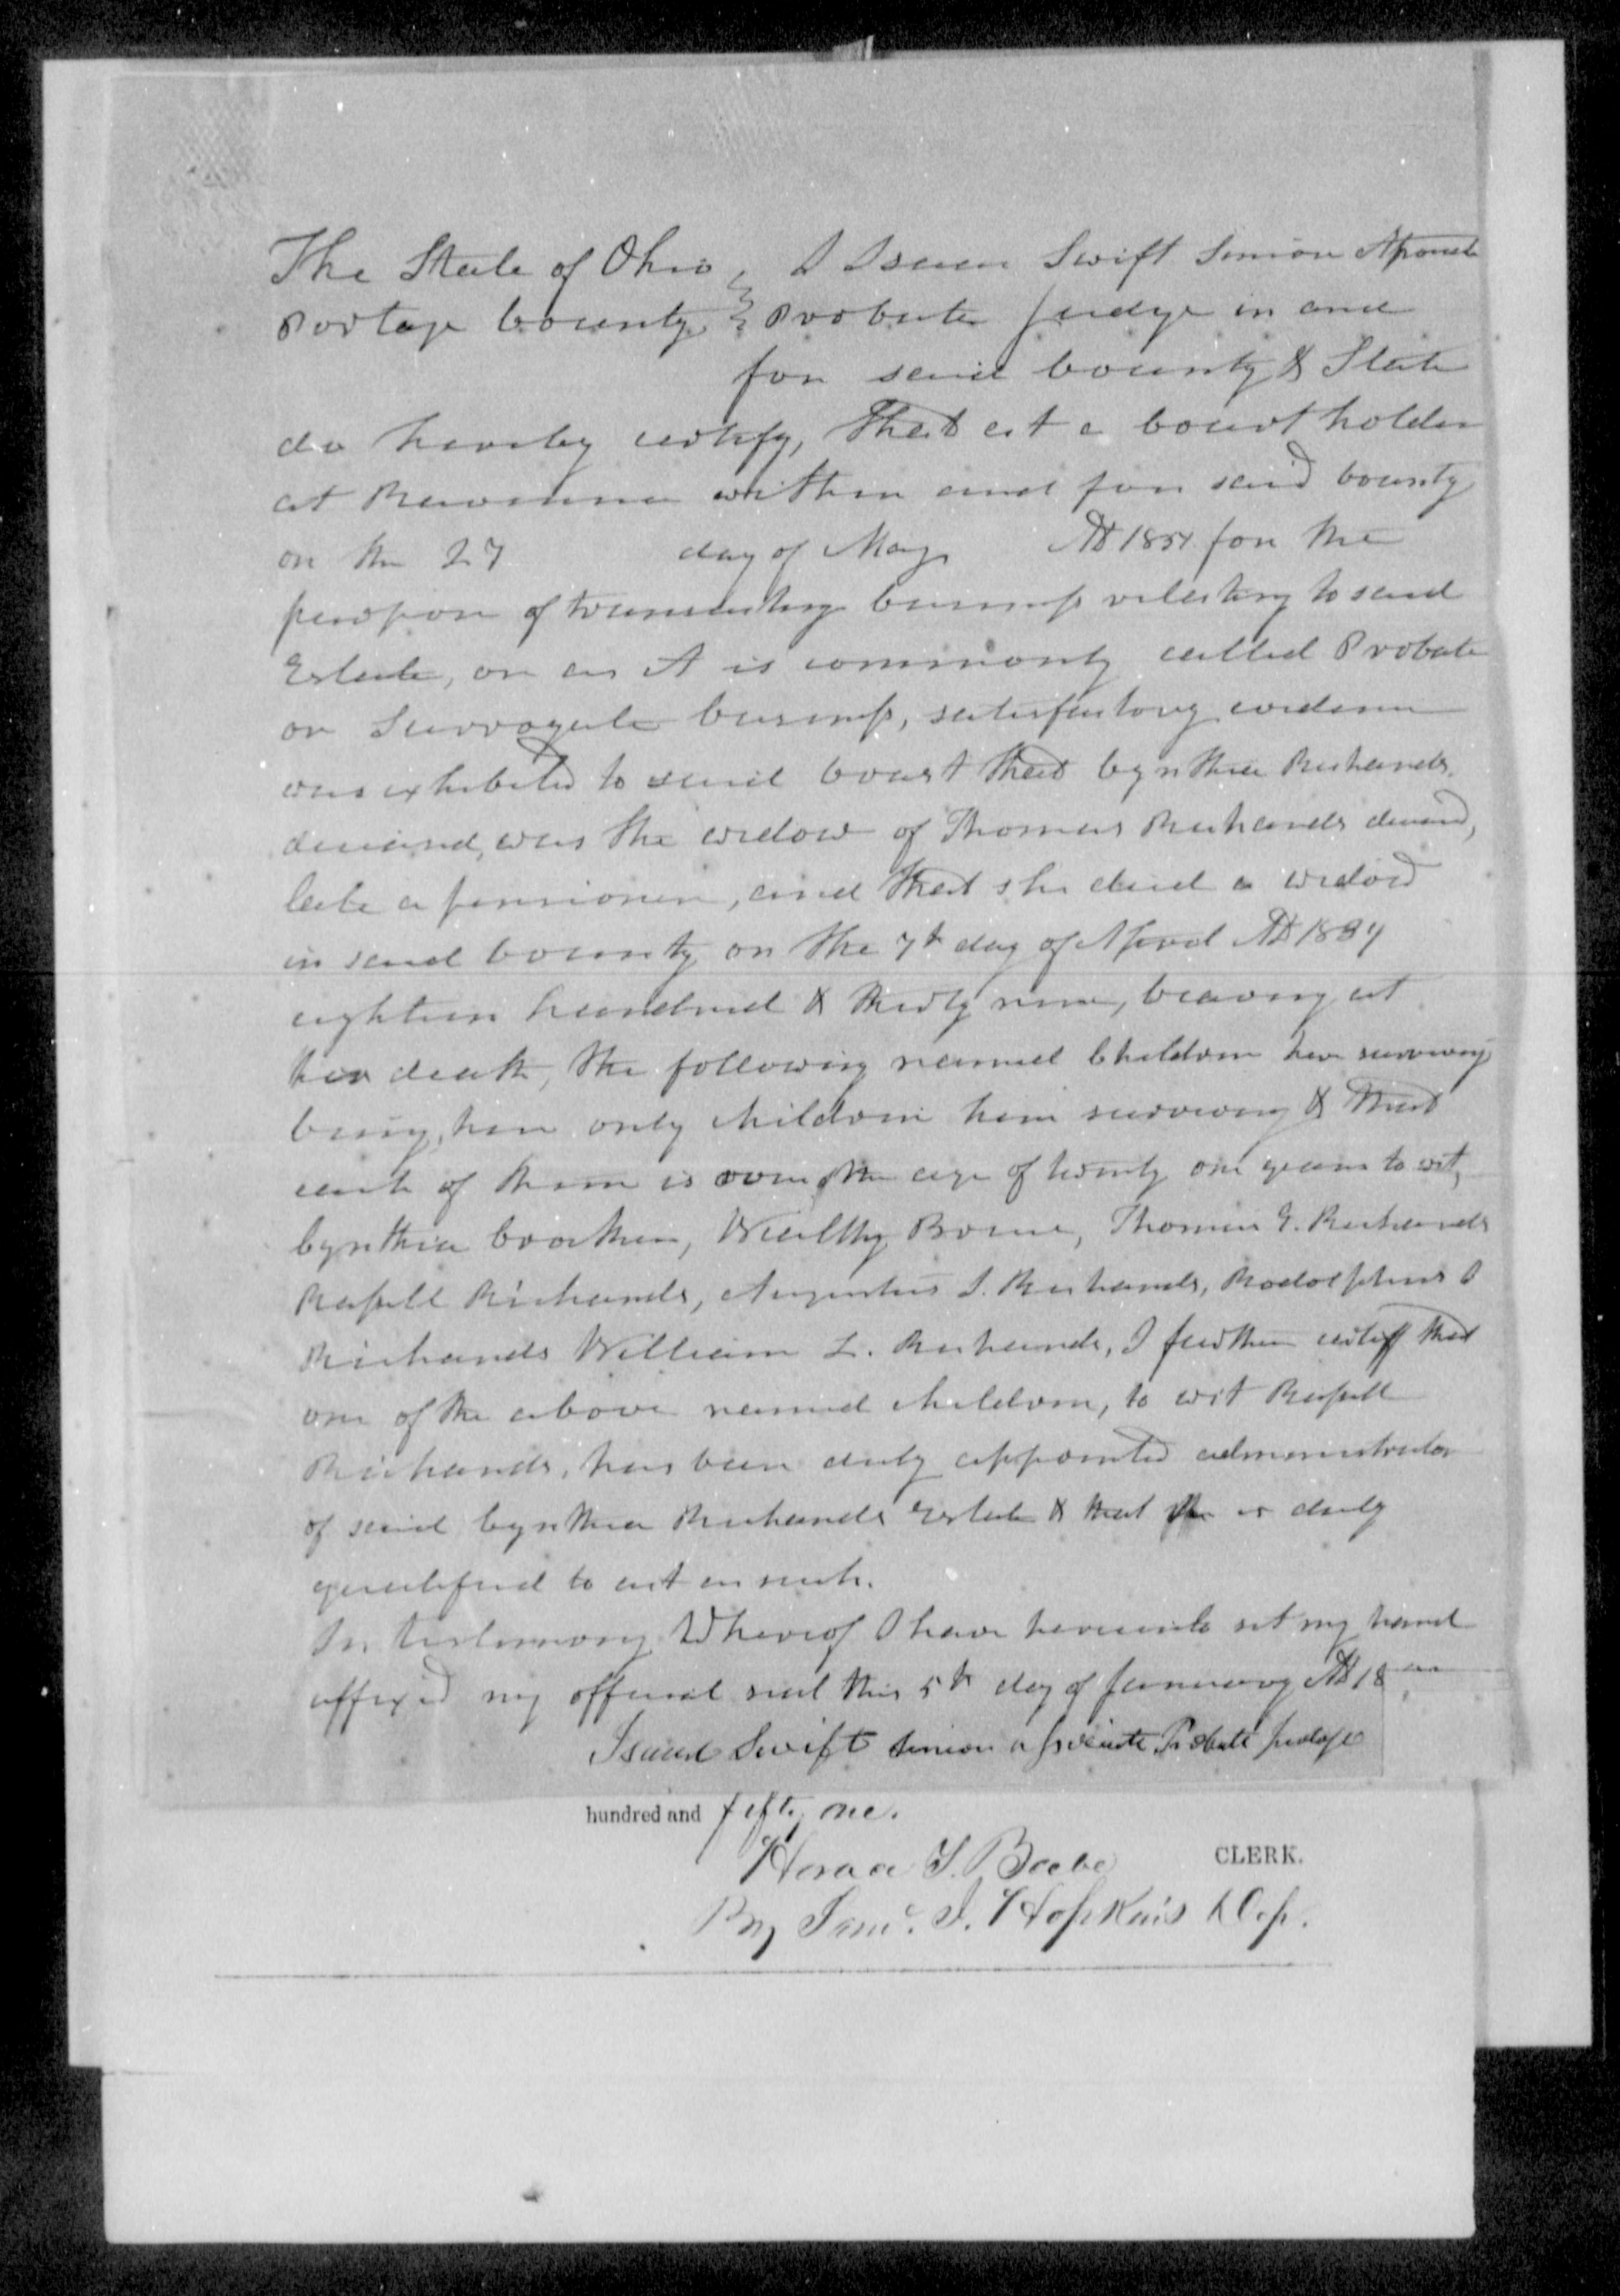The State of Ohio
Portage County} I Isaac Swift Senior Appointed Probate Judge in and for said County & State do hereby certify, that at a Court holden at Ravenna within and for said County on the 27
day of May AD 1857 for the purpose of transacting business inventory to said
Estate, or as it is commonly called Probate
or Surrogate business, satisfactory evidence
was exhibited to said Court Cynthia Richards.
deceased, was the widow of Thomas Richards deceased, late a pensioner, and that she died a widow in said County on the 7th day of April AD 1839 eighteen hundred & thirty nine, leaving at her death, the following named children her surviving being her only children heirs surviving & that each of them is over the age of twenty one years to wit,
Cynthia Bookmen, Weathly Bruce, Thomas E. Richards, Russell Richards, Augustus S. Richards, Rodolphus S Richards William L. Richards, I further certify that one of the above named children, to wit Russell Richards, has been duly appointed administrator of said Cynthia Richards Estate & that he is duly
qualified to act as such.
In testimony whereof I have hereunto set my hand affixed my official seal this 5th day of January  AD 18[57]
Isaac Swift Senior aforesaid Probate Judge
hundred and fifty one.
Horace T. Beebe CLERK.
Saml. [SAMUEL] J. Hopkins Dep. [DEPUTY]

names: Cynthia Coockin; Russell Richards; William L Richards; Saml J Hopkins; Simon Sprout; Thomas G Richards; Russell Richards; Isaac Swift; Augustus S Richards; Cynthia Richards; Isaac Swift; Thomas Richards; Horace T Beebe; Rodolphus S Richards; Cynthia Richards; Wealthy Bruce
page: 68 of 109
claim: widow's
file: W. 5709, for Thomas Richards, New Hampshire